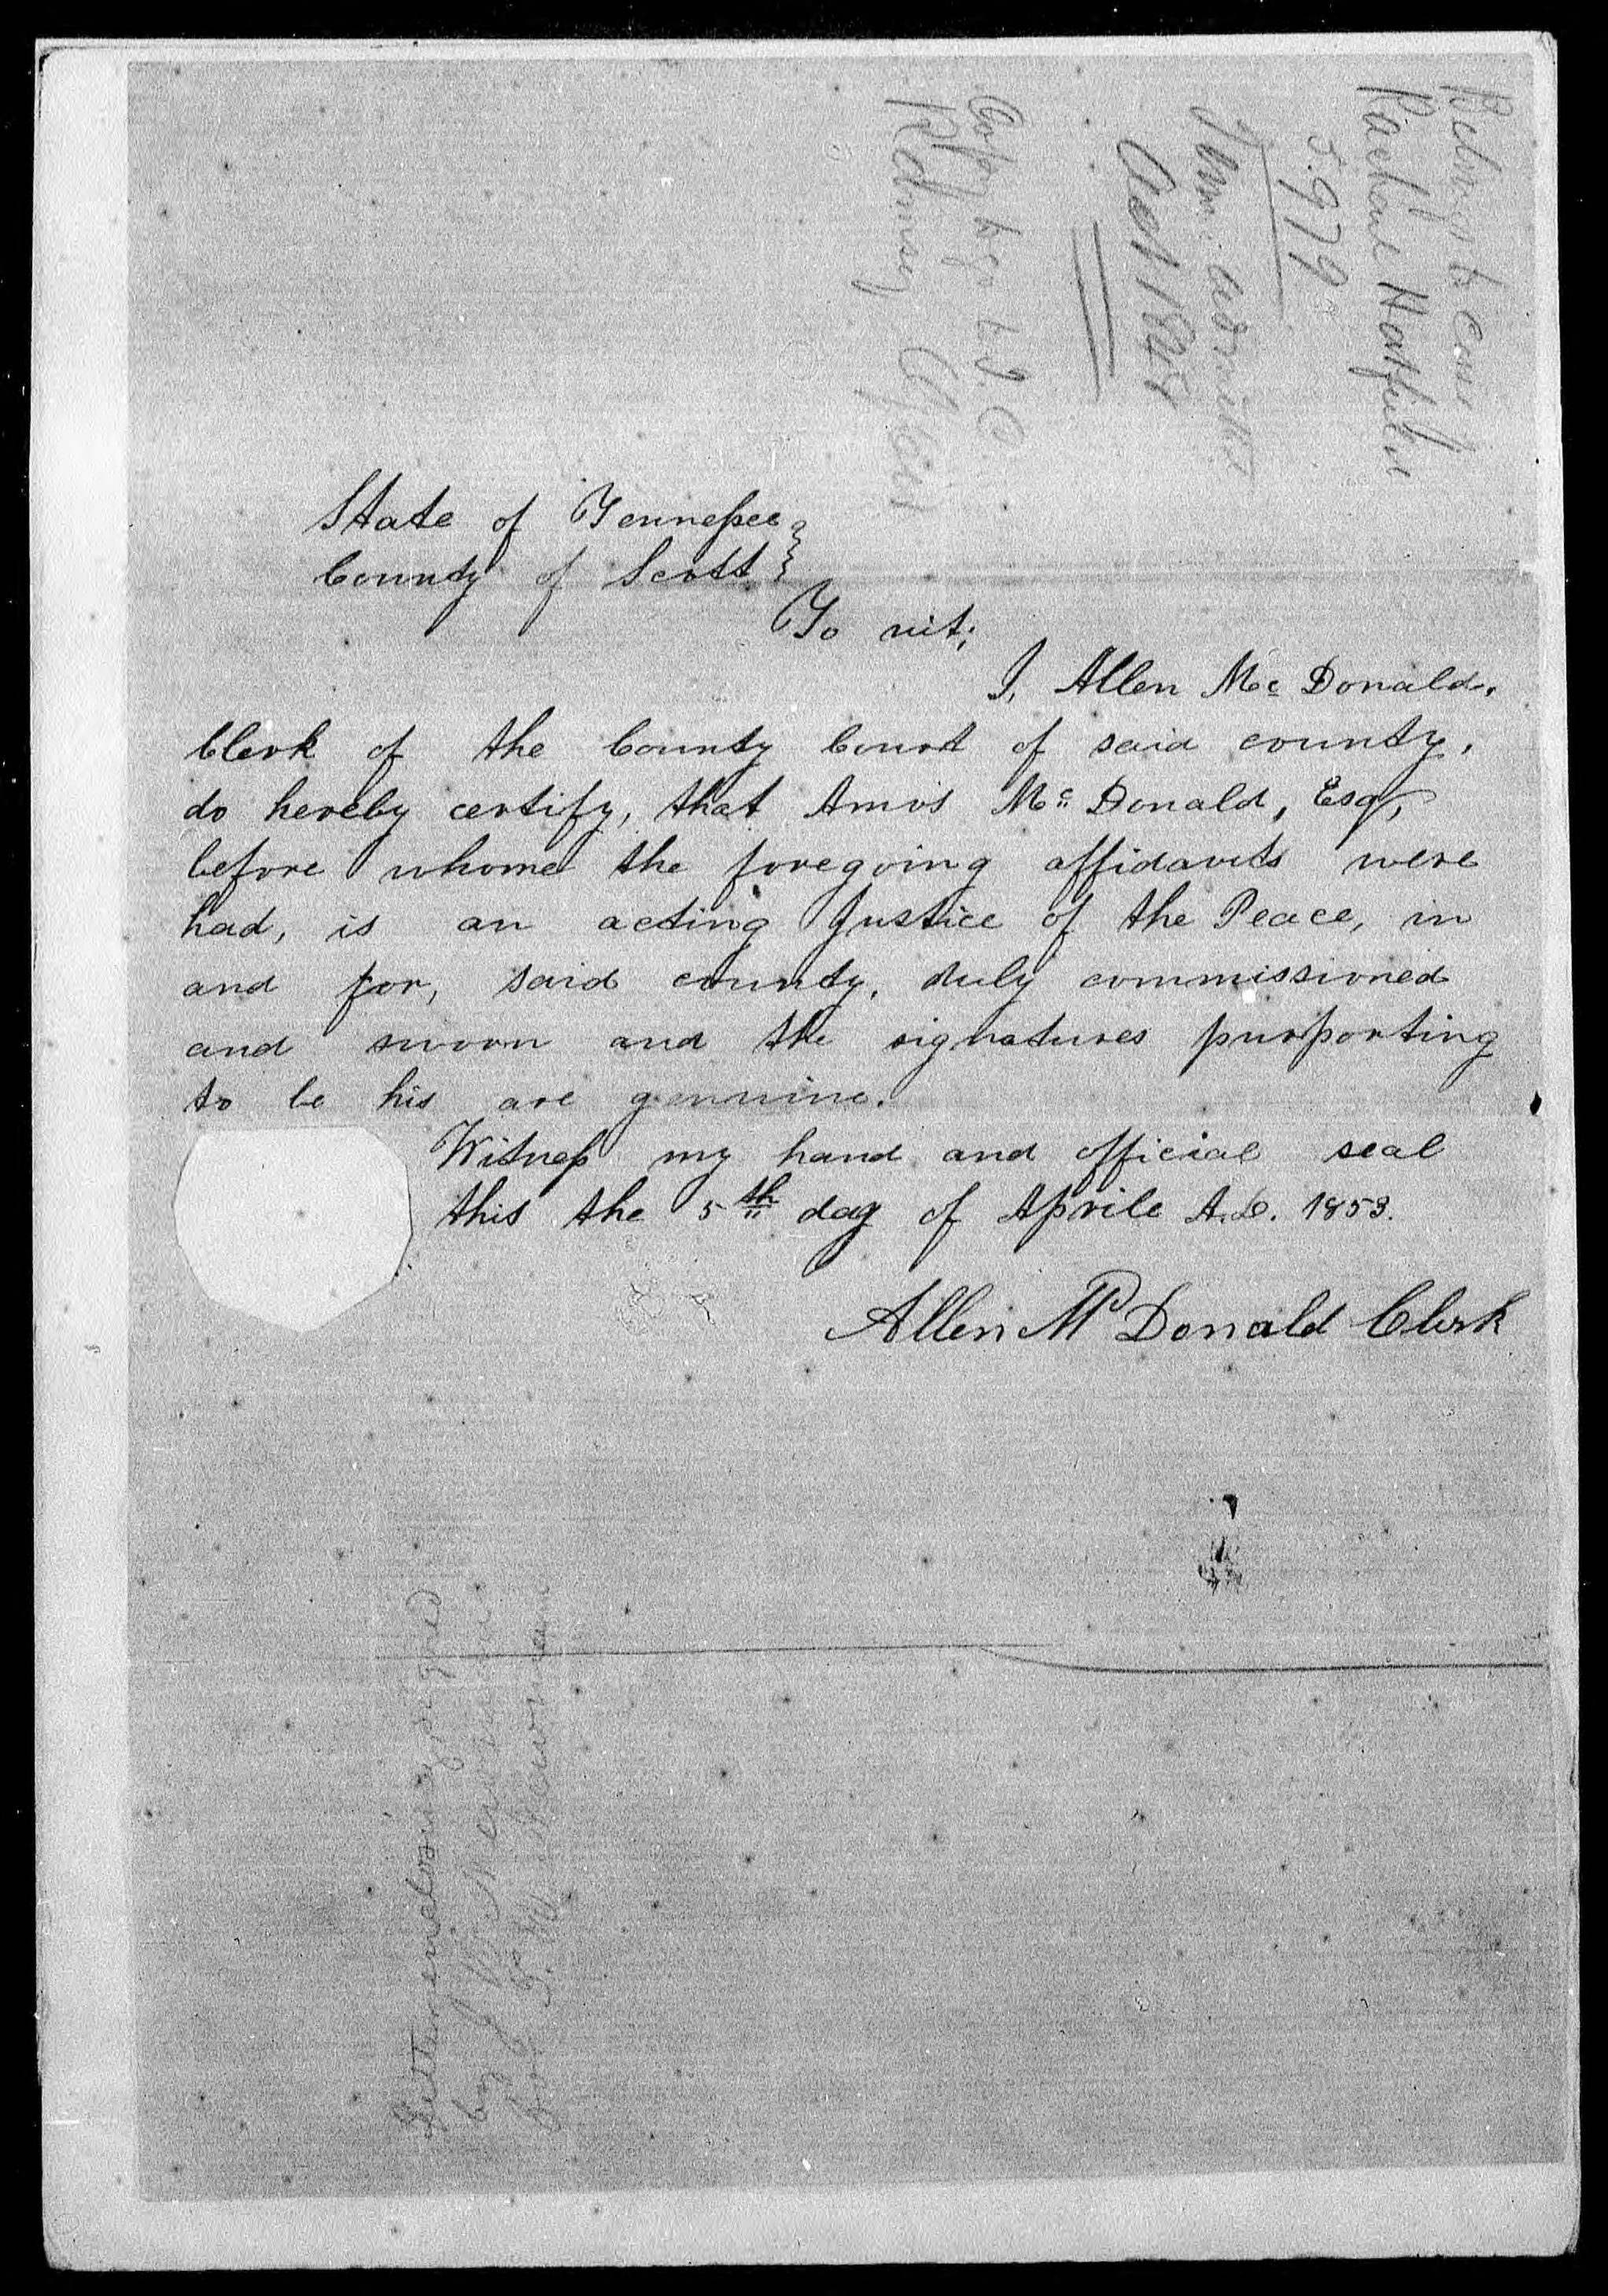Belongs to case
Rachel Hatfield
5,979
Tenn. admitted
Act 1848
=
Copy to go to J.C.
Ramsey Official

State of Tennessee}
County of Scott}
To wit;
I, Allen McDonald,
Clerk of the County Court of said county,
do hereby certify, that Amos McDonald, Esq,
before whome the foregoing affidavits were
had, is an acting Justice of the Peace, in
and for, said county, duly commissioned
and sworn and the signatures purporting
to be his are genuine.
Witness my hand and official seal
this the 5th day of April A.D. 1853.
Allen McDonald Clerk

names: Amos Mc Donald, Allen Mc Donald, J W Newman, Rachel Hatfield, T C Ramsey, T W Newman, Allen Mc Donald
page: 30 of 74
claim: widow's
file: W. 5, Joseph Hatfield, Va.